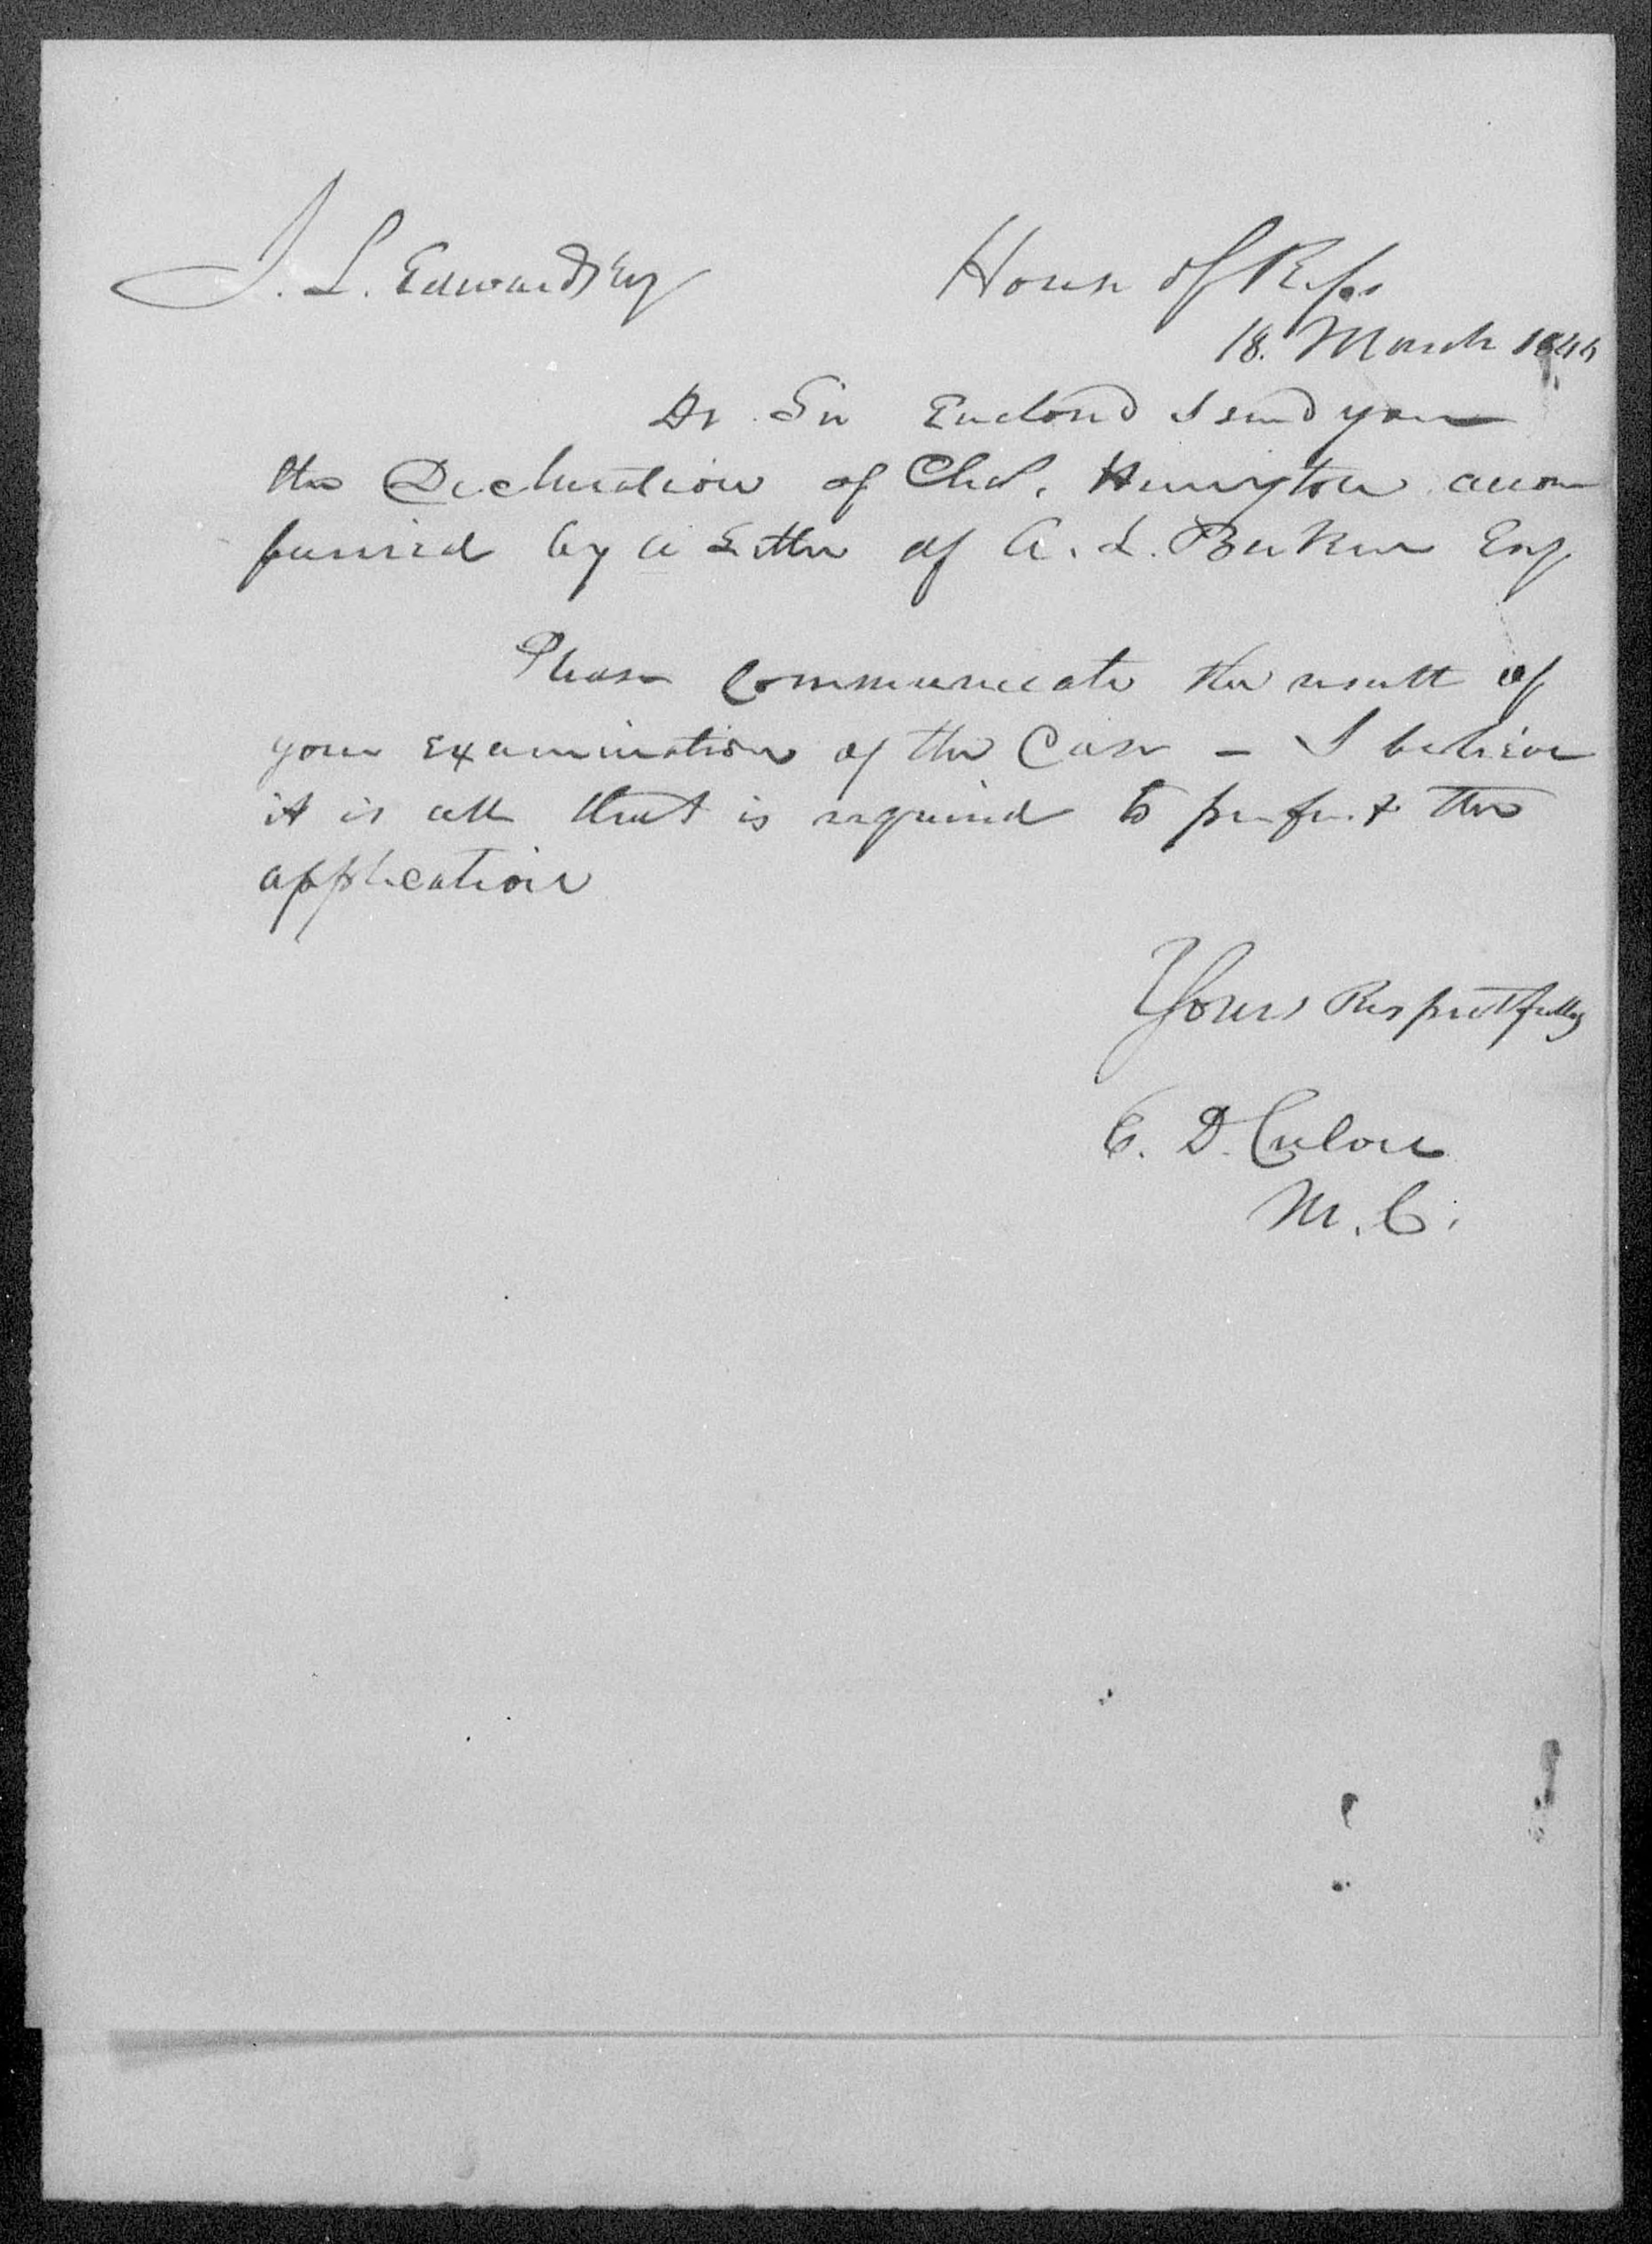J.L. Edwards Esq
House of Reps
18 March 1844

Dr Sir Enclosed I send you this Declaration of Chas. Harrington accompanied by a Letter of A. L. Baker Esq

Please communicate the result of your examination of the Case - I believe it is all that is required to perfect this application

Yours Respectfully
E.D. Culver
M.C.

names: Chas Herrington, A L Baker, J L Edwards, E D Culver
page: 32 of 51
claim: widow's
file: W. 19,026, Israel Harrington, R.I.